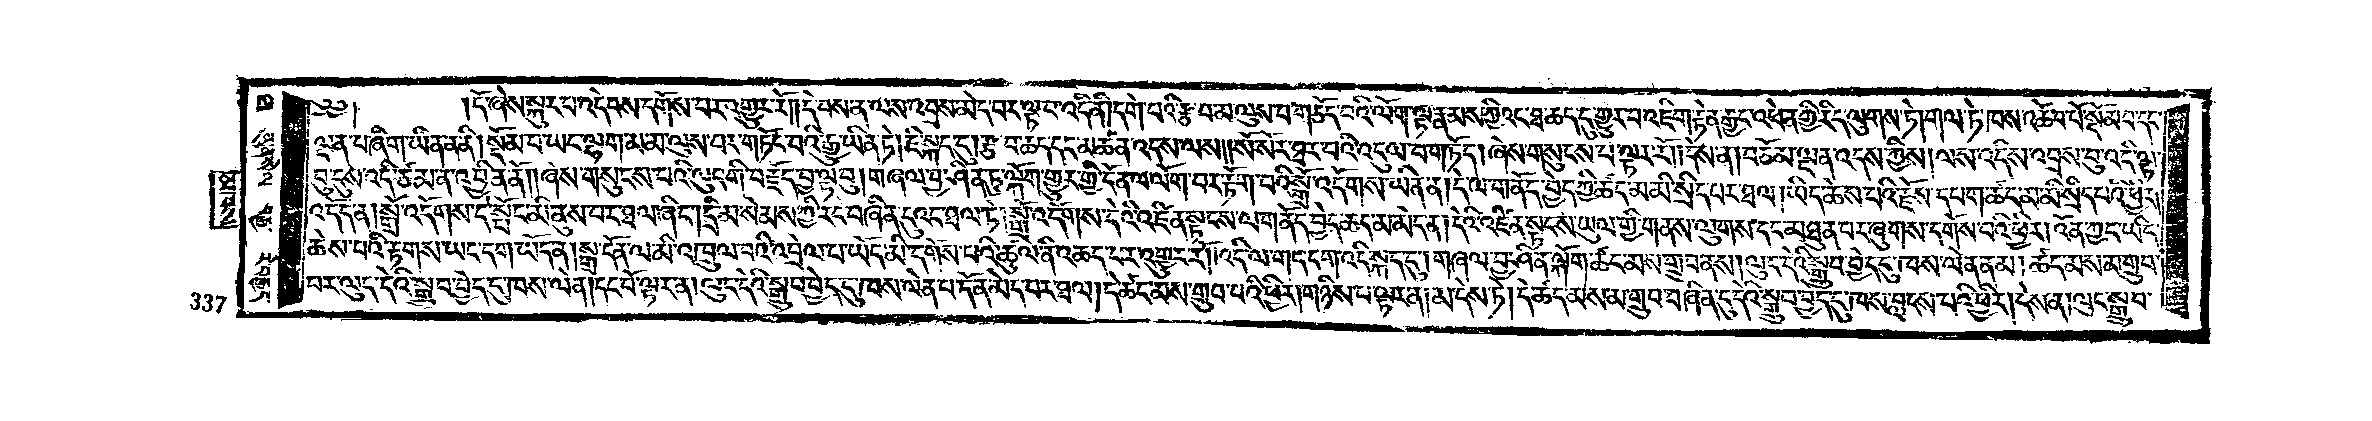༄༅། །དོ་ཞེས་སྐུར་པ་འདེབས་དགོས་པར་འགྱུར་རོ། །དེ་བས་ན་ལས་འབྲས་མེད་པར་ལྟ་བ་འདི་ནི། དགེ་བའི་རྩ་བ་མ་ལུས་པ་གཅོད་པའི་ལོག་ལྟ་རྣམས་ཀྱི་འང་ཐ་ཆད་དུ་གྱུར་བ་འཇིག་རྟེན་རྒྱང་འཕེན་གྱི་རིད་ལུགས་ཏེ། གལ་ཏེ་ཁས་འཚེ་བ་པོ་སྡོམ་པ་དང་
ལྡན་པ་ཞིག་ཡིན་ན་ནི། སྡོམ་པ་ཡང་ལྷག་མ་མ་ལུས་པར་གཏོང་བའི་རྒྱུ་ཡིན་ཏེ། ཇི་སྐད་དུ། རྩ་བ་ཆད་དང་མཚན་འདས་ལས། །སོ་སོར་ཐར་པའི་འདུལ་བ་གཏོང་། ཞེས་གསུངས་པ་ལྟར་རོ། །དེས་ན། བཅོམ་ལྡན་འདས་ཀྱིས། ལས་འདིས་འབྲས་བུ་འདི་ལྟ་
བུ་དུས་འདི་ཙམ་ན་འབྱིན་ནོ། །ཞེས་གསུངས་པའི་ལུང་གི་བརྗོད་བྱ་ལྟ་བུ། གཞལ་བྱ་ཤིན་ཏུ་ལྐོག་གྱུར་གྱི་དོན་ལ་ལོག་པར་རྟོག་པའི་སྒྲོ་འདོགས་ཡིན་ན། དེ་ལ་གནོད་བྱེད་ཀྱི་ཚད་མ་མི་སྲིད་པར་ཐལ། ཡིད་ཆེས་པའི་རྗེས་དཔག་ཚད་མ་མི་སྲིད་པའི་ཕྱིར།
འདོད་ན། སྒྲོ་འདོགས་དེ་སྤོང་མི་ནུས་པར་ཐལ་ཞིང་། དྲི་མ་སེམས་ཀྱི་རང་བཞིན་དུའང་ཐལ་ཏེ། སྒྲོ་འདོགས་དེའི་འཛིན་སྟངས་ལ་གནོད་བྱེད་ཚད་མ་མེད་ན། དེའི་འཛིན་སྟངས་ཡུལ་གྱི་གནས་ལུགས་དང་མཐུན་པར་ཞུགས་དགོས་པའི་ཕྱིར། འོན་ཀྱང་ཡིད་
ཆེས་པའི་རྟགས་ཡང་དག་ཡོད་ན། སྒྲ་དོན་ལ་མི་འཁྲུལ་བའི་འབྲེལ་པ་ཡོད་མི་དགོས་པའི་ཚུལ་ནི་འཆད་པར་འགྱུར་རོ། །འདི་ལ་གང་དག་འདི་སྐད་དུ། གཞལ་བྱ་ཤིན་ལྐོག་ཚད་མས་གྲུབ་ནས། ལུང་དེའི་སྒྲུབ་བྱེད་དུ་ཁས་ལེན་ནམ། ཚད་མས་མ་གྲུབ་
པར་ལུང་དེའི་སྒྲུབ་བྱེད་དུ་ཁས་ལེན། དང་པོ་ལྟར་ན། ལུང་དེའི་སྒྲུབ་བྱེད་དུ་ཁས་ལེན་པ་དོན་མེད་པར་ཐལ། དེ་ཚད་མས་གྲུབ་པའི་ཕྱིར། གཉིས་པ་ལྟར་ན། མ་ངེས་ཏེ། དེ་ཚད་མས་མ་གྲུབ་བཞིན་དུ་དེའི་སྒྲུབ་བྱེད་དུ་ཁས་བླངས་པའི་ཕྱིར། དེས་ན། ལུང་སྒྲུབ་